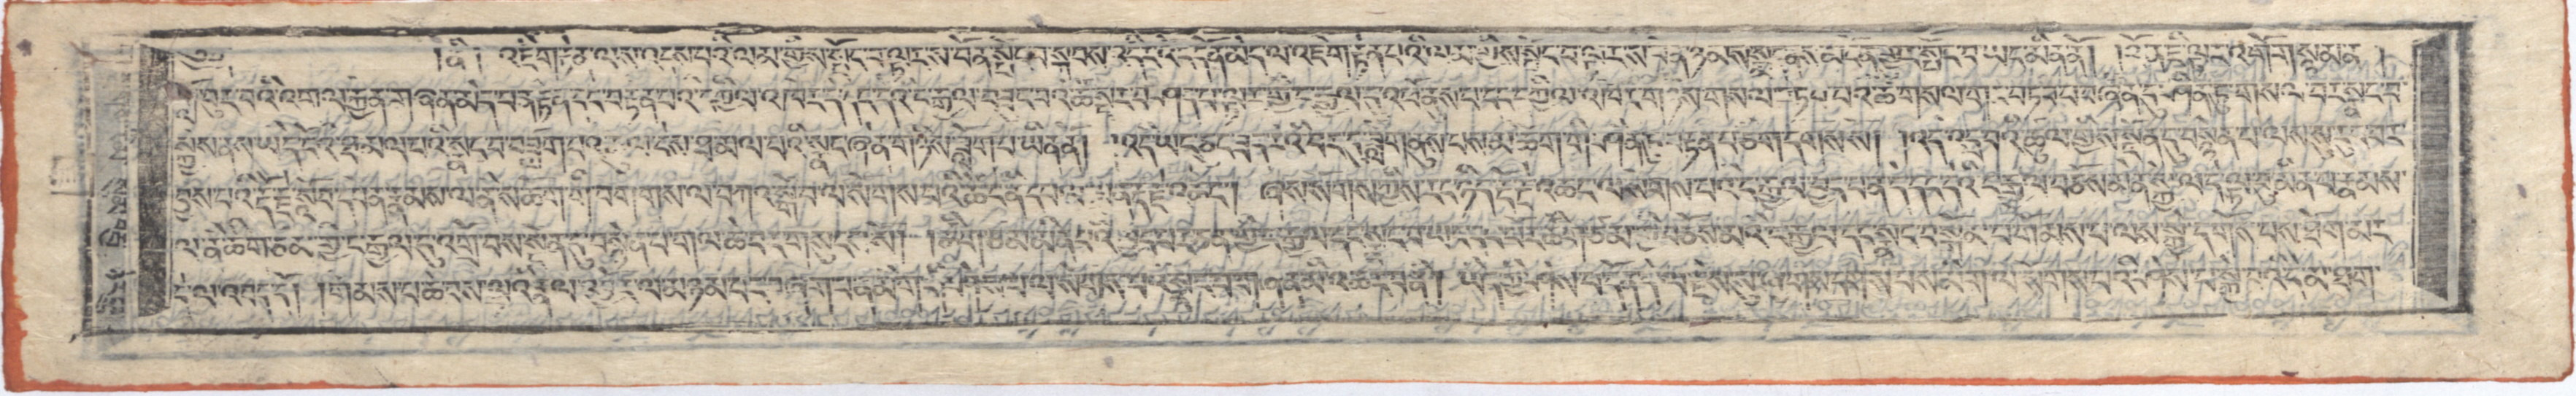༄༅། །ནི། འཇིག་རྟེན་ལས་འདས་པའི་ལམ་གྱིས་སྤོང་བ་ལྟར་ས་བོན་སྤོང་བ་སྐབས་འདིར་འོང་དོན་མེད་ལ་འཇིག་རྟེན་པའི་ལམ་གྱིས་སྤོང་བ་ལྟར་ས་བོན་ཉམས་སྨད་ནས་མངོན་གྱུར་སྤོང་བ་ཡང་མིན་ནོ། །འོ་ན་ཇི་ལྟར་འགོག་སྙམ་ན།
གློ་བུར་བའི་འགལ་རྐྱེན་གཞན་མེད་པ་ན་རྟེན་དང་བརྟེན་པའི་དཀྱིལ་འཁོར་དེ་དང་དེའི་ང་རྒྱལ་བཟུང་བའི་ཚེ་སྔར་བཤད་པ་ལྟར་གྱི་ང་རྒྱལ་དུ་འཕོ་ནུས་པ་དང་དཀྱིལ་འཁོར་གཉིས་གསལ་བཏབ་པའི་ཚེ་གསལ་གང་བཏབ་པ་བཞིན་དུ་ཤིན་ཏུ་གསལ་བར་སྣང་བ་
སྐྱེས་ནས་ཡིད་ངོའི་ཐ་མལ་བའི་སྣང་བ་བཟློག་པའི་ཚུལ་ངེས་ཐ་མལ་པའི་སྣང་ཞེན་གཉིས་ཟློག་པ་ཡིན་ནོ། །འདི་ཡང་ཅུང་ཟད་རེའི་བར་དུ་ཟློག་ནུས་པས་མི་ཆོག་གི་ཤིན་ཏུ་བརྟན་པ་ཅིག་དགོས་སོ། །འདི་འདྲ་བའི་ཚུལ་གྱིས་སྔོན་དུ་བསྙེན་པ་ལས་སུ་རུང་བར་
བྱས་པའི་རྡོ་རྗེ་སློབ་དཔོན་རྣམས་ལ་ནི་ས་ཆོག་གི་བགེགས་ལ་བཀའ་སྒོ་བ་ལ་སོགས་པའི་ཚེ་ང་ནི་དཔལ་ལྡན་རྡོ་རྗེ་འཆང་། ཞེས་སོགས་ཀྱིས་རང་ཉིད་རྡོ་རྗེ་འཆང་ལ་སོགས་པའི་ང་རྒྱལ་བྱད་པ་ན་དེ་དང་དེའི་ང་རྒྱལ་བཅོས་མིན་སྐྱེ་ལ་དེ་ལྟ་བུ་མིན་པ་རྣམས་
ལ་ནི་ཚིག་ཙམ་གྱི་ང་རྒྱལ་དུ་འགྲོ་བས་སྔོན་དུ་བསྙེན་པ་གལ་ཆེ་བར་གསུངས་སོ། །ཚིག་ཙམ་མིན་པའི་ཁྱད་པར་ཅན་གྱི་ང་རྒྱལ་དང་སྣང་བ་ཡང་དང་པོར་ཚིག་ཙམ་གྱི་བཅོས་མའི་ང་རྒྱལ་དང་སྣང་བ་སྒོམ་པ་གོམས་པ་ལས་སྐྱེ་དགོས་པས་ཐོག་མར་
དེ་ལ་འབད་དོ། །གོམས་པ་ཆེ་བས་ལྷའི་རྣལ་འབྱོར་ལ་མཉམ་པར་བཞག་པ་ན་མིག་གི་ཤེས་པ་ལ་སོགས་པའི་སྣང་བ་གཞན་མི་འཆར་བ་ནི། ཡིད་ཀྱི་ཤེས་པ་དོན་དེ་ལ་རྗེས་སུ་ཞུགས་དགས་པས་མིག་ལ་སོགས་པའི་ཤེས་པ་སྐྱེ་བའི་དེ་མ་ཐག་